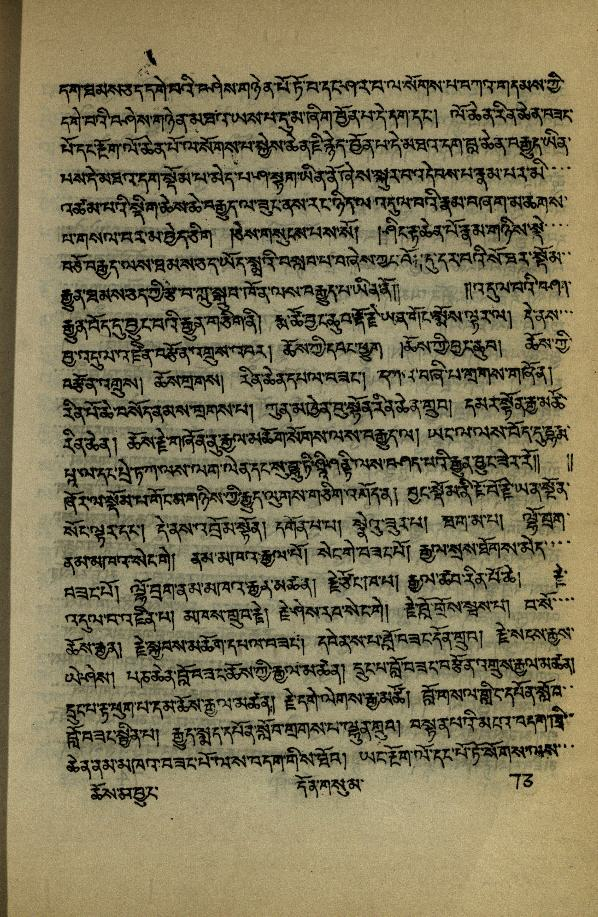དག་ཐམས་ཅད་དགེ་བའི་བཤེས་གཉེན་པོ་ཏོ་བ་དང་ཤར་བ་ལ་སོགས་པ་བཀའ་གདམས་ཀྱི་
དགེ་བའི་བཤེས་གཉེན་མཐའ་ཡས་པ་དུ་མ་ཞིག་བྱོན་པ་དེ་དག་དང་། ལོ་ཆེན་རིན་ཆེན་བཟང་
པོ་དང་རྔོག་ལོ་ཆེན་པོ་ལ་སོགས་པ་སྐྱེས་ཆེན་ཇི་རྙེད་བྱོན་པ་དེ་མཐའ་དག་བླ་ཆེན་བརྒྱུད་ཡིན་
པས་དེ་མཐའ་དག་སྡོམ་པ་མེད་པ་ཤ་སྟག་ཡིན་ནོ་ཞེས་སྐུར་བ་འདེབས་པ་རྣམ་པར་མི་
འཚམ་པའི་སྡིག་ཆེས་ཆེ་བརྒྱུད་ལ་ཟུང་ནས་རང་ཉིད་ལ་འདུལ་བའི་རྣམ་བཞག་མ་ཆགས་
པ་གསལ་བར་མ་བྱེད་ཅིག །ཅེས་གསུངས་པས་སོ། །ཤིང་རྟ་ཆེན་པོ་རྣམ་གཉིས་སྡེ་
བཅོ་བརྒྱད་ལས་ཐམས་ཅད་ཡོད་སྨྲའི་བསླབ་པ་བཞེས་ཀྱང་བོད?་དུ་དར་བའི་སོ་ཐར་སྡོམ་
རྒྱུན་ཐམས་ཅད་ཀྱི་རྩེ་བ་ཀླུ་སྒྲུབ་ཁོ་ན་ལས་བརྒྱུད་པ་ཡིན་ནོ།། །།འདུལ་བའི་བཤད?
རྒྱུན་བོད་དུ་བྱུང་བའི་རྒྱུན་གཅིག་ནི། རྨ་ཚོ་བྱང་ཆུབ་རྡོ་རྗེ་ཡན་གོང་སྨོས་ལྟར་ལ། དེ་ནས་
བྱ་འདུལ་འཛིན་བརྩོན་འགྲུས་འབར། ཆོས་ཀྱི་དབང་ཕྱུག །ཆོས་ཀྱི་བྱང་ཆུབ། ཆོས་ཀྱི་
བརྩོན་འགྲུས། ཆོས་གྲགས། རིན་ཆེན་དཔལ་བཟང་། དཀའ་བཞི་པ་གྲགས་གཞོན།
རིན་པོ་ཆེ་བསོད་ནམས་གྲགས་པ། ཀུན་མཁྱེན་བུ་སྟོན་རིན་ཆེན་གྲུབ། དམར་སྟོན་རྒྱ་མཚོ་
རིན་ཆེན། ཆོས་རྗེ་གཞོན་ནུ་རྒྱལ་མཆོག་སོགས་ལས་བརྒྱུད་ལ། ཡང་ལ་ལས་བོད་དུ་དྷརྨ་
པཱ་ལ་དང་པྲེ་ཏ་ཀ་ལས་ལག་ལེན་དང་སུ་བྷུ་ཏི་ཤྲཱི་ཤནྟི་ལས་བཤད་པའི་རྒྱུན་བྱུང་ཟེར་རོ།། །།
ཞོར་ལ་སྡོམ་པ་གོང་མ་གཉིས་ཀྱི་རྒྱུད་ལུགས་གཅིག་འགོད་ན། བྱང་སྡོམ་ནི་ཇོ་བོ་རྗེ་ཡན་སྔོན་
སོང་ལྟར་དང་། དེ་ནས་འབྲོམ་སྟོན། དགོན་པ་པ། སྣེའུ་ཟུར་པ། ཐག་མ་པ། ལྷོ་བྲག་
ནམ་མཁའ་སེང་གེ། ནམ་མཁའ་རྒྱལ་པོ། སེང་གེ་བཟང་པོ། རྒྱལ་སྲས་ཐོགས་མེད་
བཟང་པོ། ལྷོ་བྲག་ནམ་མཁའ་རྒྱན་མཚན། རྗེ་ཙོང་ཁ་པ། རྒྱལ་ཚབ་རིན་པོ་ཆེ། རྗེ་
འདུལ་བ་འཛིན་པ། མཁས་གྲུབ་རྗེ། རྗེ་ཤེས་རབ་སེང་གེ། རྗེ་བློ་གྲོས་སྦས་པ། བ་སོ་
ཆོས་རྒྱན། རྗེ་སྐྱབས་མཆོག་དཔལ་བཟང་། དབེན་ས་པ་བློ་བཟང་དོན་གྲུབ། རྗེ་སངས་རྒྱས་
ཡེ་ཤེས། པཎ་ཆེན་བློ་བཟང་ཆོས་ཀྱི་རྒྱལ་མཚན། དྲུང་པ་བློ་བཟང་བརྩོན་འགྲུས་རྒྱལ་མཚན།
དྲུང་པ་རྟ་ཕུག་པ་དམ་ཆོས་རྒྱལ་མཚན། རྗེ་དགེ་ལེགས་རྒྱ་མཚོ། བློ་གསལ་གླིང་དཔོན་སློབ་
བློ་བཟང་སྦྱིན་པ། རྒྱུད་སྨད་དཔོན་སློབ་གྲགས་པ་ལྷུན་གྲུབ། བསྟན་པའི་མངའ་བདག་ཁྲི་
ཆེན་ནམ་མཁའ་བཟང་པོ་ལས་བདག་གིས་ཐོབ། ཡང་རྔོག་ལོ་དང་པོ་ཏོ་སོགས་ལས་